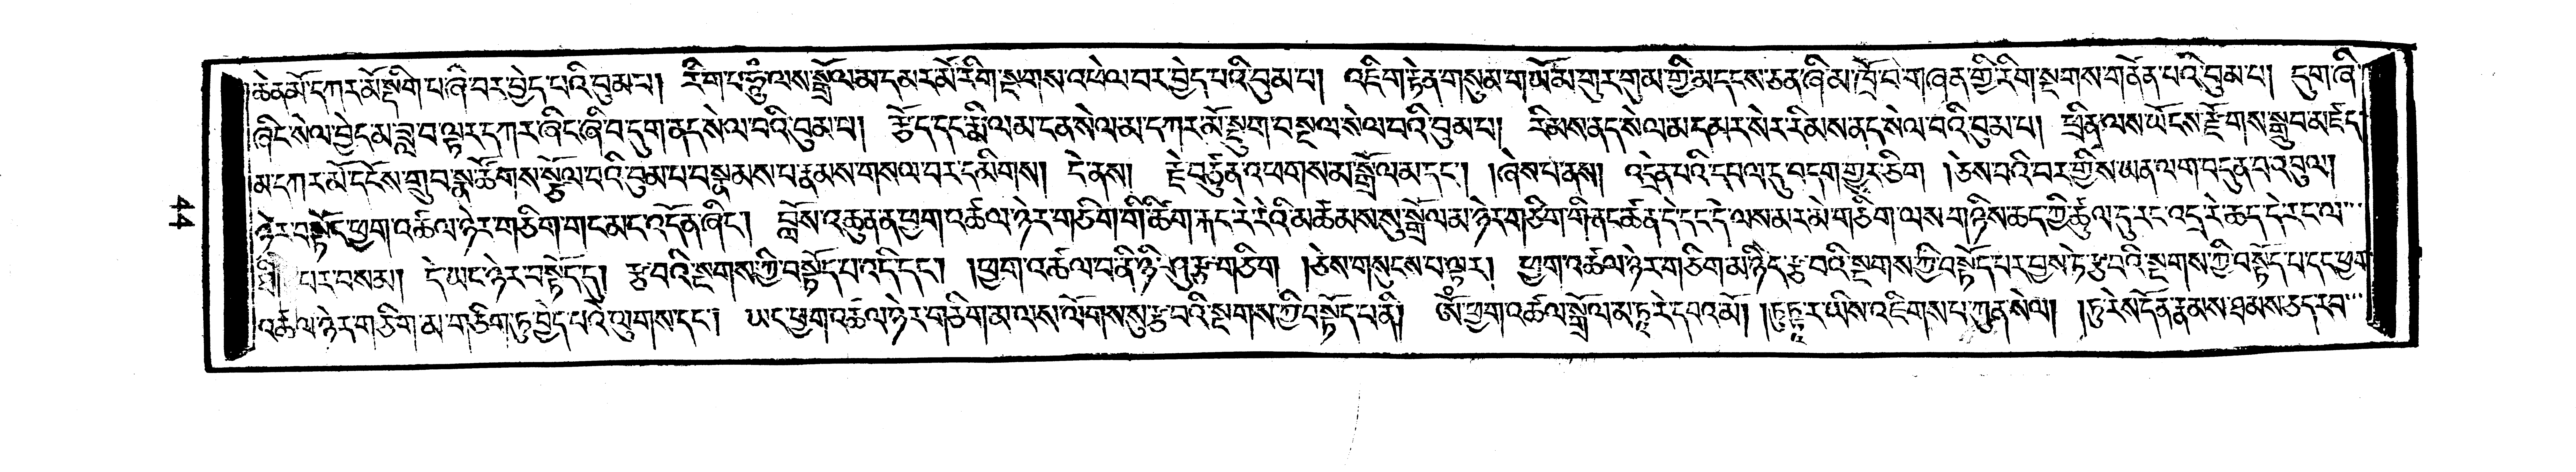ཆེན་མོ་དཀར་མོ་སྡིག་པ་ཞི་བར་བྱེད་པའི་བུམ་པ། རིག་པ་ཧཱུཾ་ལས་སྒྲོལ་མ་དམར་མོ་རིག་སྔགས་འཕེལ་བར་བྱེད་པའི་བུམ་པ། འཇིག་རྟེན་གསུམ་གཡོམ་གུར་ཀུམ་གྱི་མདངས་ཅན་ཞི་མ་ཁྲོ་བ་གཞན་གྱི་རིག་སྔགས་གནོན་པའི་བུམ་པ། དུག་ཞི་
ཞིང་སེལ་བྱེད་མ་ཟླ་བ་ལྟར་དཀར་ཞིང་ཞི་བ་དུག་ནད་སེལ་བའི་བུམ་པ། རྩོད་དང་རྨི་ལམ་ངན་སེལ་མ་དཀར་མོ་སྡུག་པ་སྔལ་སེལ་བའི་བུམ་པ། རིམས་ནད་སེལ་མ་དམར་སེར་རིམས་ནད་སེལ་བའི་བུམ་པ། ཕྲིན་ལས་ཡོངས་རྫོགས་སྒྲུབ་མཛད་
མ་དཀར་མོ་དངོས་གྲུབ་སྣ་ཚོགས་སྩོལ་བའི་བུམ་པ་བསྣམས་པ་རྣམས་གསལ་བར་དམིགས། དེ་ནས། རྗེ་བཙུན་འཕགས་མ་སྒྲོལ་མ་དང་། །ཞེས་པ་ནས། འདྲེན་པའི་དཔལ་དུ་བདག་གྱུར་ཅིག །ཅེས་པའི་བར་གྱིས་ཡན་ལག་བདུན་པ་འབུལ།
ཉེར་བསྟོད་ཕྱག་འཚལ་ཉེར་གཅིག་གང་མང་འདོན་ཞིང་། བློས་འཆུན་ན་ཕྱག་འཚལ་ཉེར་གཅིག་གི་ཚིག་རྐང་རེ་རེའི་མཚམས་སུ་སྐྲོལ་མ་ཉེར་གཅིག་གི་ནང་ཚན་དེ་དང་དེ་ལས་མར་མེ་གཅིག་ལས་གཉིས་ཆད་ཀྱི་ཚུལ་དུ་རང་འདྲ་རེ་ཆད་དེ་རང་ལ་
ཐིམ་པར་བསམ། དེ་ཡང་ཉེར་བསྟོད་དུ། རྩ་བའི་སྔགས་ཀྱི་བསྟོད་པ་འདི་དང་། །ཕྱག་འཚལ་བ་ནི་ཉི་ཤུ་རྩ་གཅིག །ཅེས་གསུངས་པ་ལྟར། ཕྱག་འཚལ་ཉེར་གཅིག་མ་ཉིད་རྩ་བའི་སྔགས་ཀྱི་བསྟོད་པར་བྱས་ཏེ་རྩ་བའི་སྔགས་ཀྱི་བསྟོད་པ་དང་ཕྱག་
འཚལ་ཉེར་གཅིག་མ་གཅིག་ཏུ་བྱེད་པའི་ལུགས་དང་། ཡང་ཕྱག་འཚལ་ཉེར་གཅིག་མ་ལས་ལོགས་སུ་རྩ་བའི་སྔགས་ཀྱི་བསྟོད་པ་ནི། ཨོཾ་ཕྱག་འཚལ་སྒྲོལ་མ་ཏཱ་རེ་དཔའ་མོ། །ཏུཏྟཱ་ར་ཡིས་འཇིགས་པ་ཀུན་སེལ། །ཏུ་རེས་དོན་རྣམས་ཐམས་ཅད་རབ་